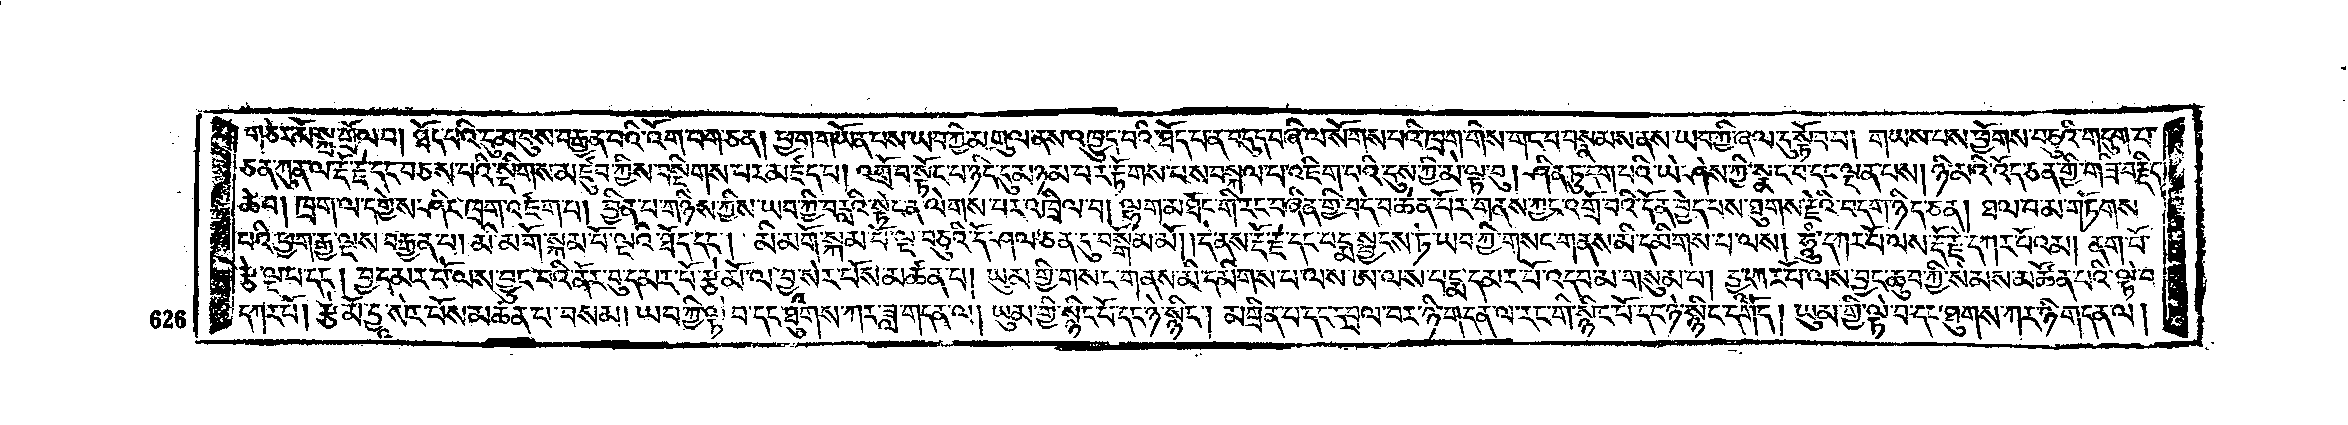གཅེར་མོ་སྐྲ་གྲོལ་བ། ཐོད་པའི་དུམ་བུས་བརྒྱན་པའི་འོག་བག་ཅན། ཕྱག་གཡོན་པས་ཡབ་ཀྱི་མགུལ་ནས་འཁྱུད་པའི་ཐོད་པ་ན་བདུད་བཞི་ལ་སོགས་པའི་ཁྲག་གིས་གང་བ་བསྣམས་ནས་ཡབ་ཀྱི་ཞལ་དུ་སྟོབ་པ། གཡས་པས་ཕྱོགས་བཅུའི་གདུག་པ་
ཅན་ཀུན་ལ་རྡོ་རྗེ་དང་བཅས་པའི་སྡིགས་མཛུབ་ཀྱིས་བསྡིགས་པར་མཛུབ་ཀྱིས་བསྡིགས་པར་མཛད་པ། འགྲོ་བ་སྟོང་པ་ཉིད་དུ་མཉམ་པར་རྟོགས་པས་བསྐལ་པ་འཇིག་པའི་དུས་ཀྱི་མེ་ལྟ་བུ། ཤིན་ཏུ་དག་པའི་ཡེ་ཤེས་ཀྱི་སྣང་བ་དང་ལྡན་པས། ཉི་མའི་འོད་ཅན་གྱི་གཟི་བརྗིད་
ཆེ་བ། ཁྲག་ལ་དགྱེས་ཤིང་ཁྲག་འཛག་པ། བྱིན་པ་གཉིས་ཀྱིས་ཡབ་ཀྱི་བརླའི་སྟེང་ན་ལེགས་པར་འཁྲིལ་བ། ལྷག་མཐོང་གི་རང་བཞིན་གྱི་བདེ་བ་ཆེན་པོར་གནས་ཀྱང་འགྲོ་བའི་དོན་བྱེད་པས་ཐུགས་རྗེའི་བདག་ཉིད་ཅན། ཐལ་བ་མ་གཏོགས་
པའི་ཕྱག་རྒྱ་ལྔས་བརྒྱན་པ། མི་མགོ་སྐམ་པོ་ལྔའི་ཐོད་དང་། མི་མགོ་སྐམ་པོ་ལྔ་བཅུའི་དོ་ཤལ་ཅན་དུ་བསྒོམ་མོ། །དེ་ནས་རྡོ་རྗེ་དང་པདམ་སྦྱངས་ཏེ་ཡབ་ཀྱི་གསང་གནས་མི་དམིགས་པ་ལས། ཧཱུཾ་དཀར་པོ་ལས་རྡོ་རྗེ་དཀར་པོའམ། ནག་པོ་
རྩེ་ལྔ་པ་དང་། བྱ་དམར་པོ་ལས་བྱུང་བའི་ནོར་བུ་དམར་པོ་རྩེ་མོ་ལ་བྱའ་སེར་པོས་མཚན་པ། ཡུམ་གྱི་གསང་གནས་མི་དམིགས་པ་ལས་ཨ་ལས་པདམ་དམར་པོ་འདབ་མ་གསུམ་པ། དྱཱ་དཀར་པོ་ལས་བྱང་ཆུབ་ཀྱི་སེམས་མཚོན་པའི་ལྟེ་བ་
དཀར་པོ། རྩེ་མོ་དྱཱ་སེར་པོས་མཚན་པ་བསམ། ཡབ་ཀྱི་ལྟེ་བ་དང་ཐུགས་ཀར་ཟླ་གདན་ལ། ཡུམ་གྱི་སྙིང་པོ་དང་ཉེ་སྙིང་། མགྲིན་པ་དང་དབྲལ་བར་ཉི་གདན་ལ་རང་གི་སྙིང་པོ་དང་ཉེ་སྙིང་དགོད། ཡུམ་གྱི་ལྟེ་བ་དང་ཐུགས་ཀར་ཉི་གདན་ལ།